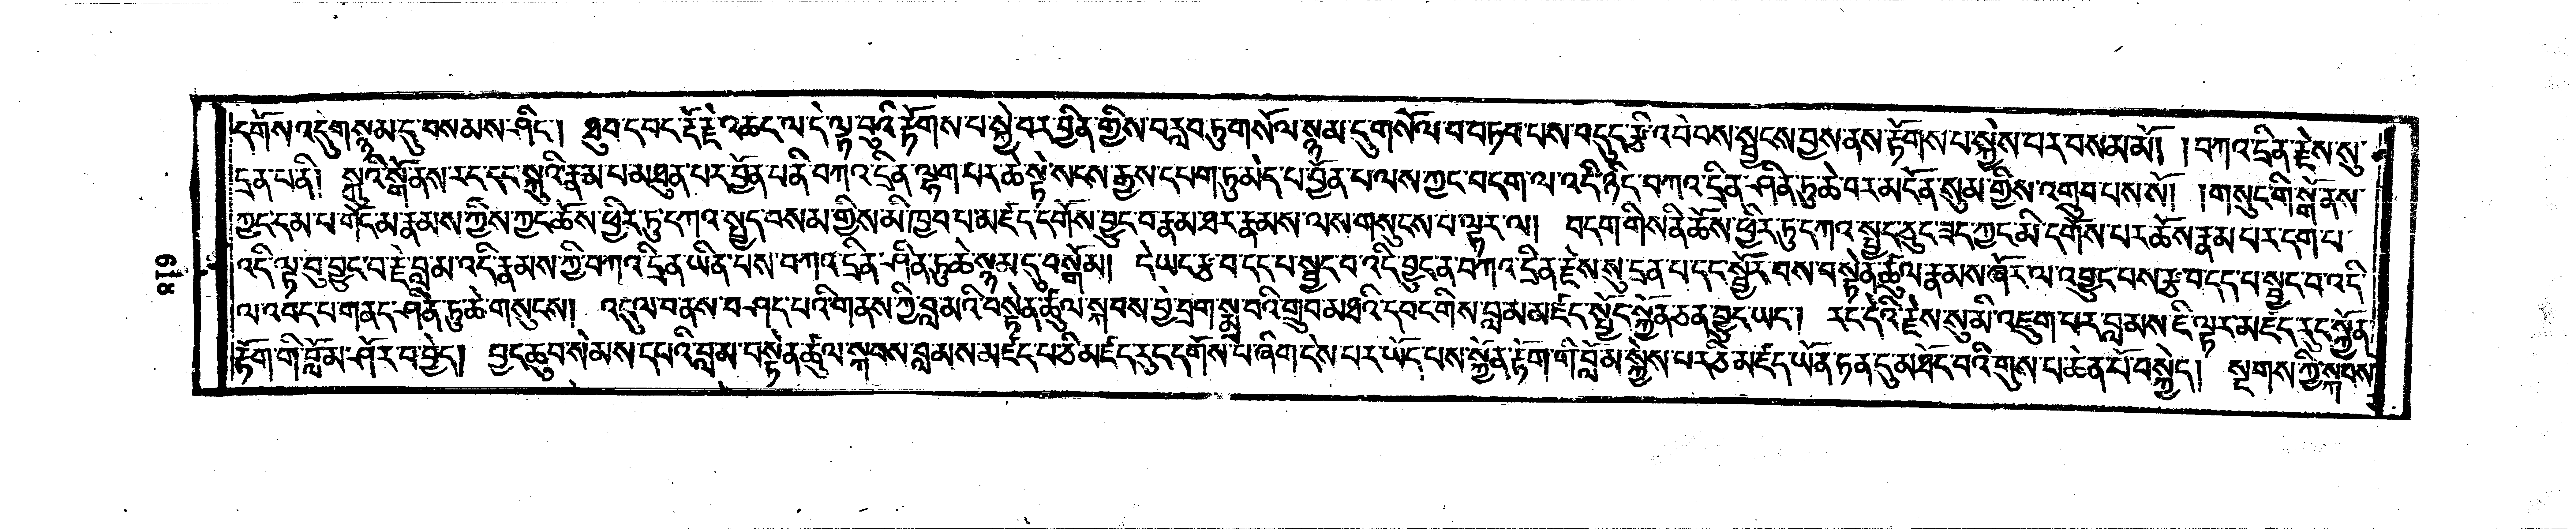དགོས་འདུག་སྙམ་དུ་བསམས་ཤིང་། ཐུབ་དབང་རྡོ་རྗེ་འཆང་ལ་དེ་ལྟ་བུའི་རྟོགས་པ་སྐྱེ་བར་བྱིན་གྱིས་བརླབ་ཏུ་གསོལ་སྙམ་དུ་གསོལ་བ་བཏབ་པས་བདུད་རྩི་འབེབས་སྦྱངས་བྱས་ནས་རྟོགས་པ་སྐྱེས་པར་བསམ་མོ། །བཀའ་དྲིན་རྗེས་སུ་
དྲན་པ་ནི། སྐུའི་སྒོ་ནས་རང་དང་སྐུའི་རྣམ་པ་མཐུན་པར་བྱོན་པ་ནི་བཀའ་དྲིན་ལྷག་པར་ཆེ་སྟེ་སངས་རྒྱས་དཔག་ཏུ་མེད་པ་བྱོན་པ་ལས་ཀྱང་བདག་ལ་འདི་ཉིད་བཀའ་དྲིན་ཤིན་ཏུ་ཆེ་བར་མངོན་སུམ་གྱིས་འགྲུབ་པས་སོ། །གསུང་གི་སྒོ་ནས་
ཀྱང་དམ་པ་གོང་མ་རྣམས་ཀྱིས་ཀྱང་ཆོས་ཕྱིར་ཏུ་དཀའ་སྤྱད་བསམ་གྱིས་མི་ཁྱབ་པ་མཛད་དགོས་བྱུང་བ་རྣམ་ཐར་རྣམས་ལས་གསུངས་པ་ལྟར་ལ། བདག་གིས་ནི་ཆོས་ཕྱིར་ཏུ་དཀའ་སྤྱད་ཅུང་ཟད་ཀྱང་མི་དགོས་པར་ཆོས་རྣམ་པར་དག་པ་
འདི་ལྟ་བུ་བྱུང་བ་རྗེ་བླ་མ་འདི་རྣམས་ཀྱི་བཀའ་དྲིན་ཡིན་པས་བཀའ་དྲིན་ཤིན་ཏུ་ཆེ་སྙམ་དུ་བསྒོམ། དེ་ཡང་རྩ་བ་དང་པ་སྤྱད་པ་འདི་བྱུང་ན་བཀའ་དྲིན་རྗེས་སུ་དྲན་པ་དང་སྦྱོར་བས་བསྟེན་ཚུལ་རྣམས་ཞོར་ལ་འབྱུང་བས་རྩ་བ་དད་པ་སྤྱང་བ་འདི་
ལ་འབད་པ་གནད་ཤིན་ཏུ་ཆེ་གསུངས། འདུལ་བ་ནས་བཤད་པའི་གནས་ཀྱི་བླ་མའི་བསྟེན་ཚུལ་སྐབས་བྱེ་བྲག་སྨྲ་བའི་གྲུབ་མཐའི་དབང་གིས་བླ་མ་མཛད་སྤྱོད་སྐྱོན་ཅན་བྱུང་ཡང་། རང་དེའི་རྗེས་སུ་མི་འཇུག་པར་བླ་མས་ཇི་ལྟར་མཛད་རུང་སྐྱོན་
རྟོག་གི་བློ་མ་ཤོར་བ་བྱེད། བྱང་ཆུབ་སེམས་དཔའི་བླ་མ་བསྟེན་ཚུལ་སྐབས་བླ་མས་མཛད་པ་ཅི་མཛད་རུང་དགོས་པ་ཞིག་ངེས་པར་ཡོད་པས་སྐྱོན་རྟོག་གི་བློ་མ་སྐྱེས་པར་ཅི་མཛད་ཡོན་ཏན་དུ་མཐོང་བའི་གུས་པ་ཆེན་པོ་བསྐྱེད། སྔགས་ཀྱི་སྐབས་